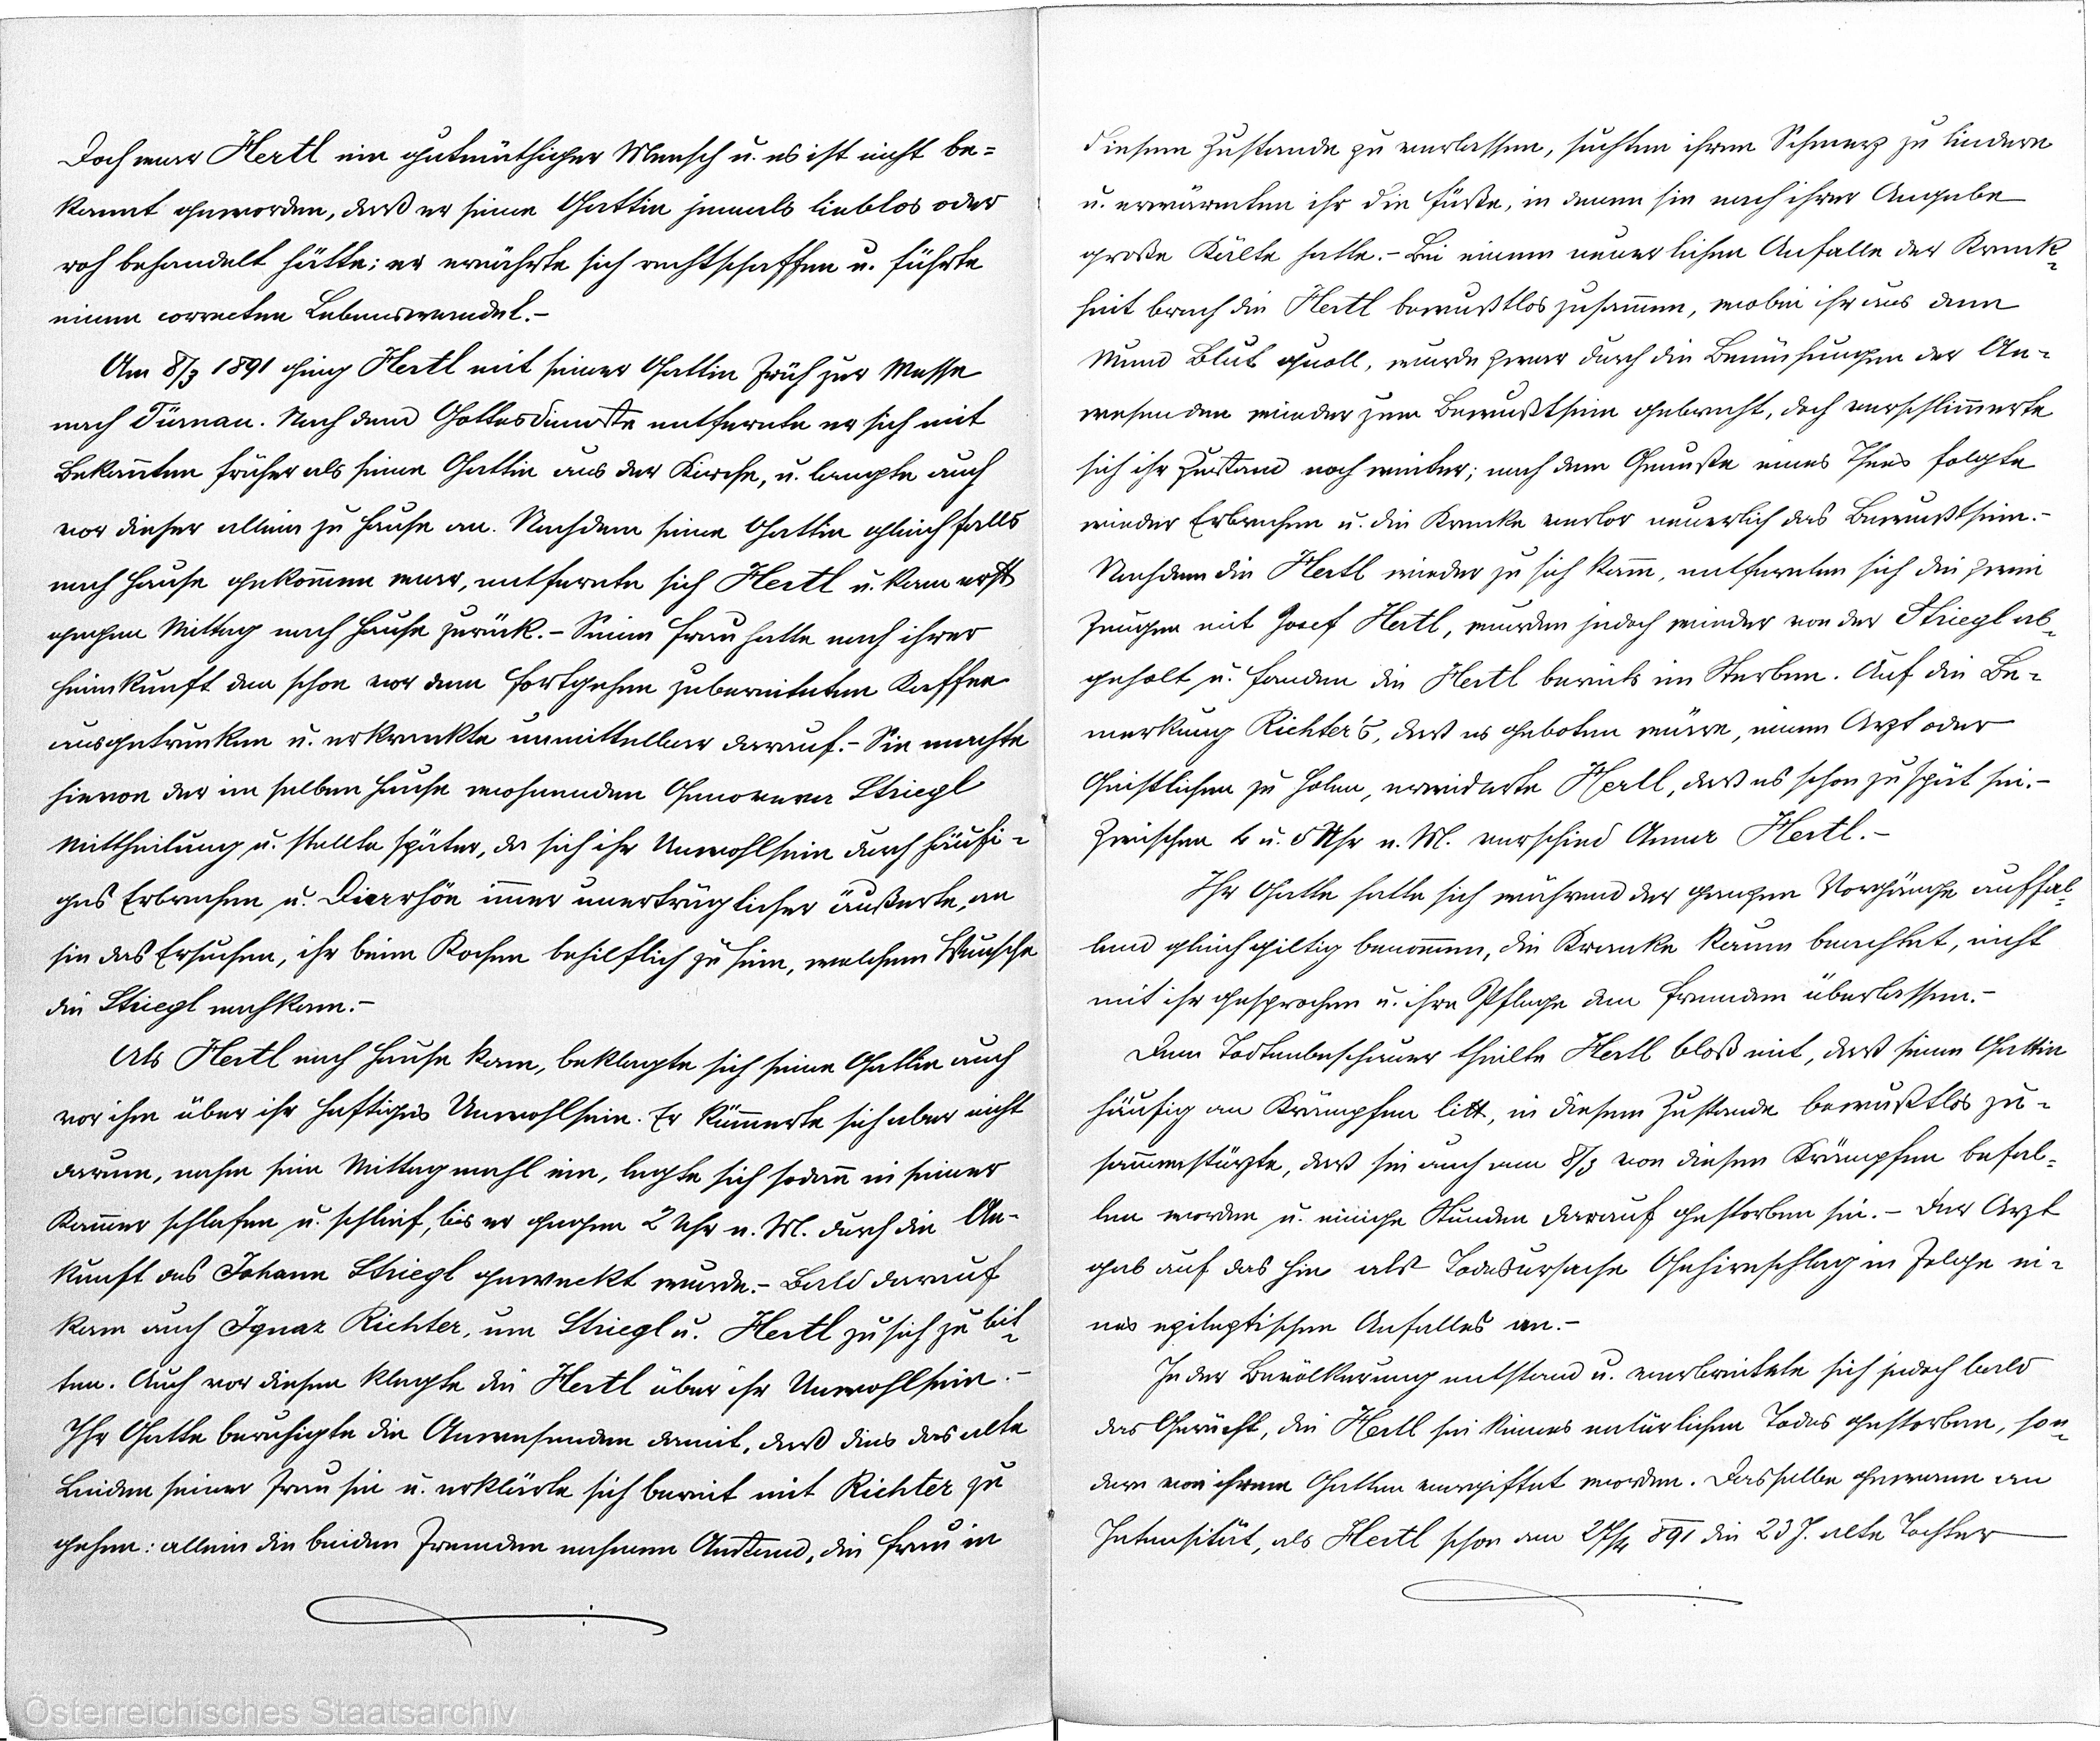Doch war Hertl ein gutmüthlicher Mensch u. es ist nicht be¬
kannt geworden, daß er seine Gattin jemals lieblos oder
roh behandelt hätte; er ermühete sich rechtschaffen u. führte
einen correcten Lebenswandel.–
Am 8/3 1891 ging Hertl mit seiner Gattin früh zur Messe
nach Türnau. Nach dem Gottesdienste entfernte er sich mit
Bekannten früher als seine Gattin aus der Kirche, u langte auch
vor dieser allein zu Hause an. Nachdem seine Gattin gleichfalls
nach Hause gekommen war, entfernte sich Hertl u. kam erst
gegen Mittag nach Hause zurück. Seine Frau hatte nach ihrer
Heimkunft dem schon vor dem Fortgehen zubereiteten Kaffee
ausgetrunken u. erkrankte unmittelbar darauf. Sie machte
hievon der im selben Hause wohnenden Genoveva Striegl
Mittheilung u. stellte später, da sich ihr Unwollsein durch häufi¬
ges Erbrechen u. Dierrhöe immer unerträglicher äußerte, an
sie das Ersuchen, ihr beim Kochen behilflich zu sein, welchem Wunsche
die Striegl nachkam.
Als Hertl nach Hause kam, beklagte sich seine Gattin auch
vor ihm über ihr heftiges Unwollsein. Er kümmerte sich aber nicht
darum, nahm sein Mittag mahl ein, legte sich sodann in seiner
Kammer schlafen u. schlief, bis er gegen 2 Uhr n. M. durch die An¬
kunft des Johann Striegl geweckt wurde. Bald darauf
kam auch Ignaz Richter, um Striegl u. Hertl zu sich zu bit¬
ten. Auch vor diesen klagte die Hertl über ihr Unwollsein.
Ihr Gatte beruhigte die Anwesenden damit, das dies des alte
Leiden seiner Frau sei u. erklärte sich bereit mit Richter zu
gehen: allein die beiden Fremden nahmen Anstand, die Frau in
diesem Zustande zu verlassen, suchten ihren Schmerz zu lindern
u. erwärmten ihr die Füße, in denen sie nach ihrer Angabe
große Kälte hatte. Bei einem neuerlichen Anfalle der Krank¬
heit brach die Hertl bewustlos zusammen, wobei ihr aus dem
Mund Blut quoll, wurde zwar durch die Bemühungen der An¬
wesenden wieder zu Bewußtsein gebracht, doch verschlimmerte
sich ihr Zustand noch wieder, nach dem Genuße eines Thees folgte
wieder Erbrechen u. die Kranke verlor neuerlich das Bewußtsein.
Nachdem die Hertl wieder zu sich kamm, entfernten sich die zwei
Zeugen mit Josef Hertl, wurden jedoch wieder von der Striegl ab¬
geholt u. fanden die Hertl bereits i Sterben. Auf die Be¬
merkung Richter’s, daß es Geboten wäre, einem Arzt oder
Geistlichen zu holen, erwiderte Hertl, daß es schon zu spät sei.
Zwischen 4 u. 5 Uhr n. M. verschied Anna Hertl.
Ihr Gatte hatte sich während der ganzen Vorgänge auffal¬
end gleichgiltig benommen. Die kranke kaum beachtet, nicht
mit ihr gesprochen u ihre Pflege den Fremden überlassen.
Dem Todtenbeschauer theilte Hertl bloß mit, daß seine Gattin
häufig an Krämpfen litt, in diesem Zustande bewußtlos zu¬
sammenstürzte, daß sie auch vom 8/3 von diesen Krämpfen befal¬
len worden u. einige Stunden darauf gestorben sei. Der Arzt
gab auf das hin als Todesursache Gehirnschlag in Folge ei¬
nes epileptischen Anfalles an.
In der Bevölkerung entstand u. verbreitete sich jedoch bald
das Gerücht, die Hertl sei keines natürlichen Todes gestorben, son¬
dern von ihrem Gatten vergiftet worden. Dasselben gewann an
Intensität, als Hertl schon am 27.4.1891 die 23 J. alte Tochter